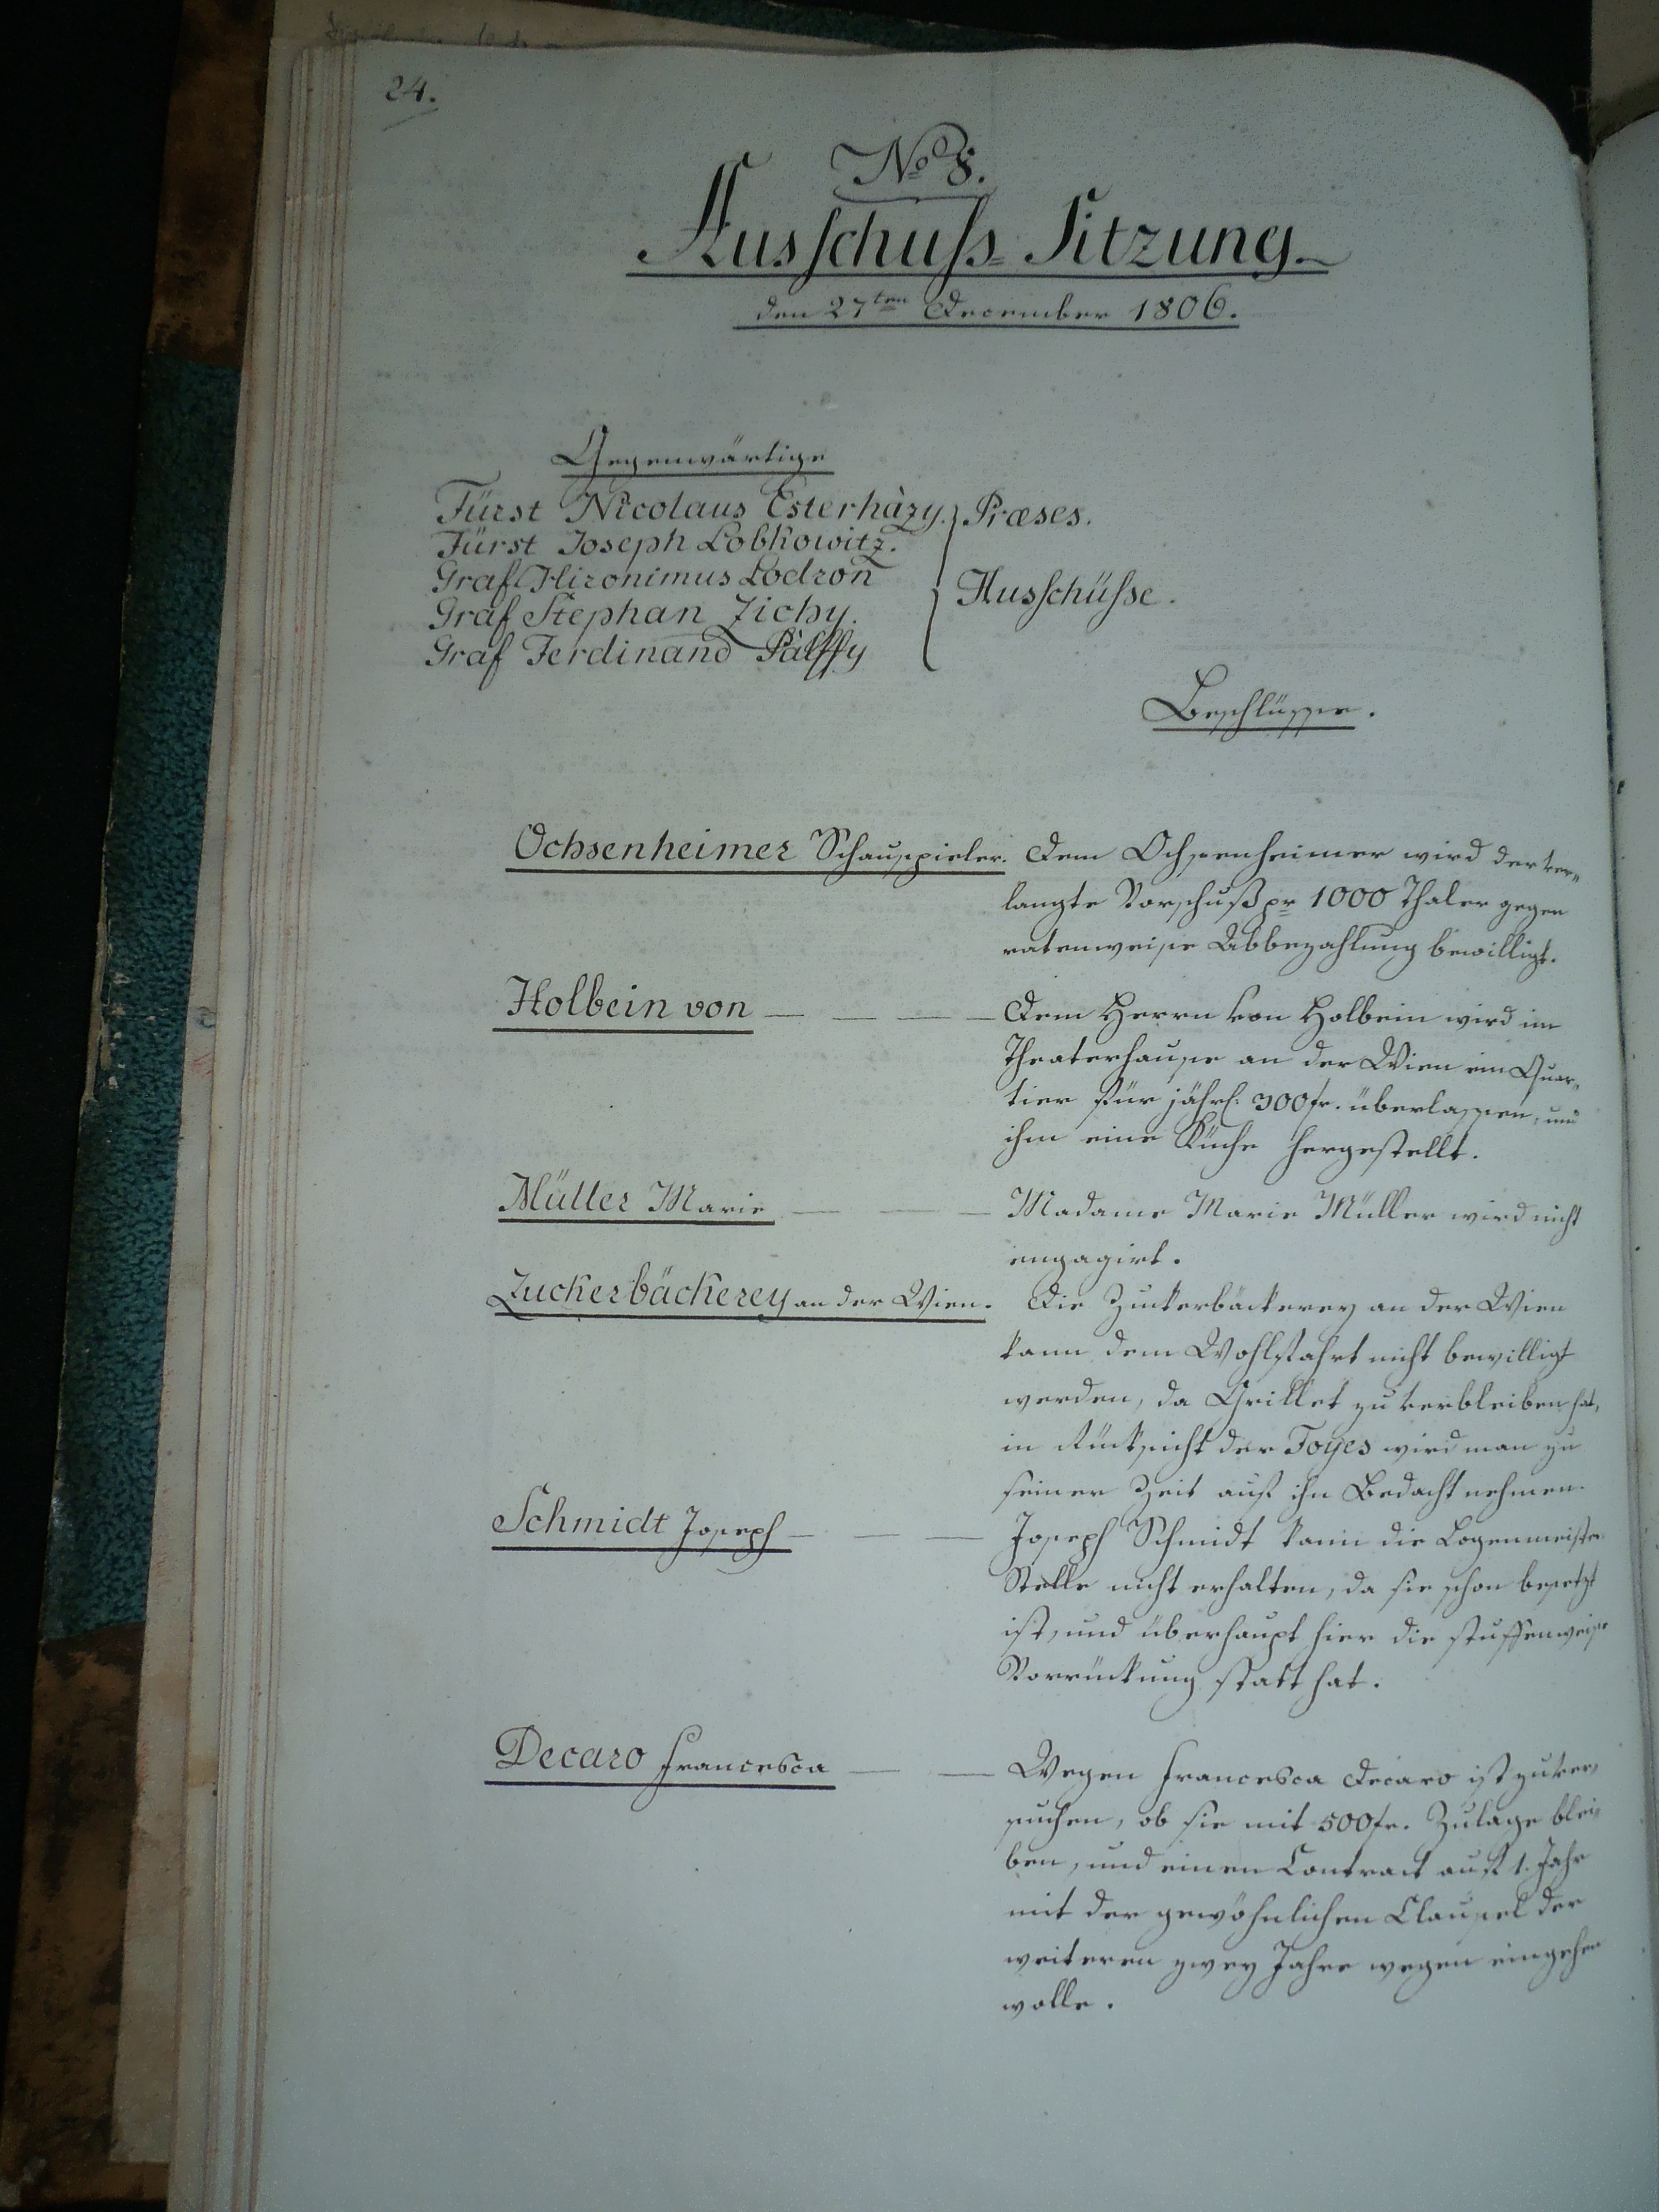24.
No͇ 8.
Ausschuss‗ Sitzung
den 27te͇n Dezember 1806.
Gegenwärtige
Fürst Nicolaus Esterhàzy. Præses.
Fürst Joseph Lobkowitz.
Graf Hironimus Lodron
Graf Stephan Zichy.
Graf Ferdinand Pàlffy
Ausschüsse.
Beschlüsse.
Ochsenheimer Schauspieler. Dem Ochsenheimer wird der ver¬
langte Vorschuß pr 1000 Thaler gegen
ratenweise Abbezahlung bewilligt.
Holbein von _ _ _ _ Dem Herrn von Holbein wird im
Theaterhause an der Wien ein Quar¬
tier für jährE: 300fr. überlassen, und
ihm eine Küche hergestellt.
Müller Marie _ _ _ Madame Marie Müller wird nicht
engagirt.
Zuckerbäckerey an der Wien. Die Zuckerbäckerey an der Wien
kann dem Wohlfahrt nicht bewilligt
werden, da Grillet zu verbleiben hat,
in Rücksicht der Foyes wird man zu
seiner Zeit auf ihn Bedacht nehmen.
Schmidt Joseph _ _ _ Joseph Schmidt kann die Logenmeister
Stelle nicht erhalten, da sie schon besetzt
ist, und überhaupt hier die stuffenweise
Vorrückung statt hat.
Decaro Francesca _ _ Wegen Francesca Decaro ist zuver¬
suchen, ob sie mit 500fr. Zulage blei¬
ben, und einen Contract auf 1. Jahr
mit der gewöhnlichen Clausel der
weiteren zwey Jahre wegen eingehen
wolle.